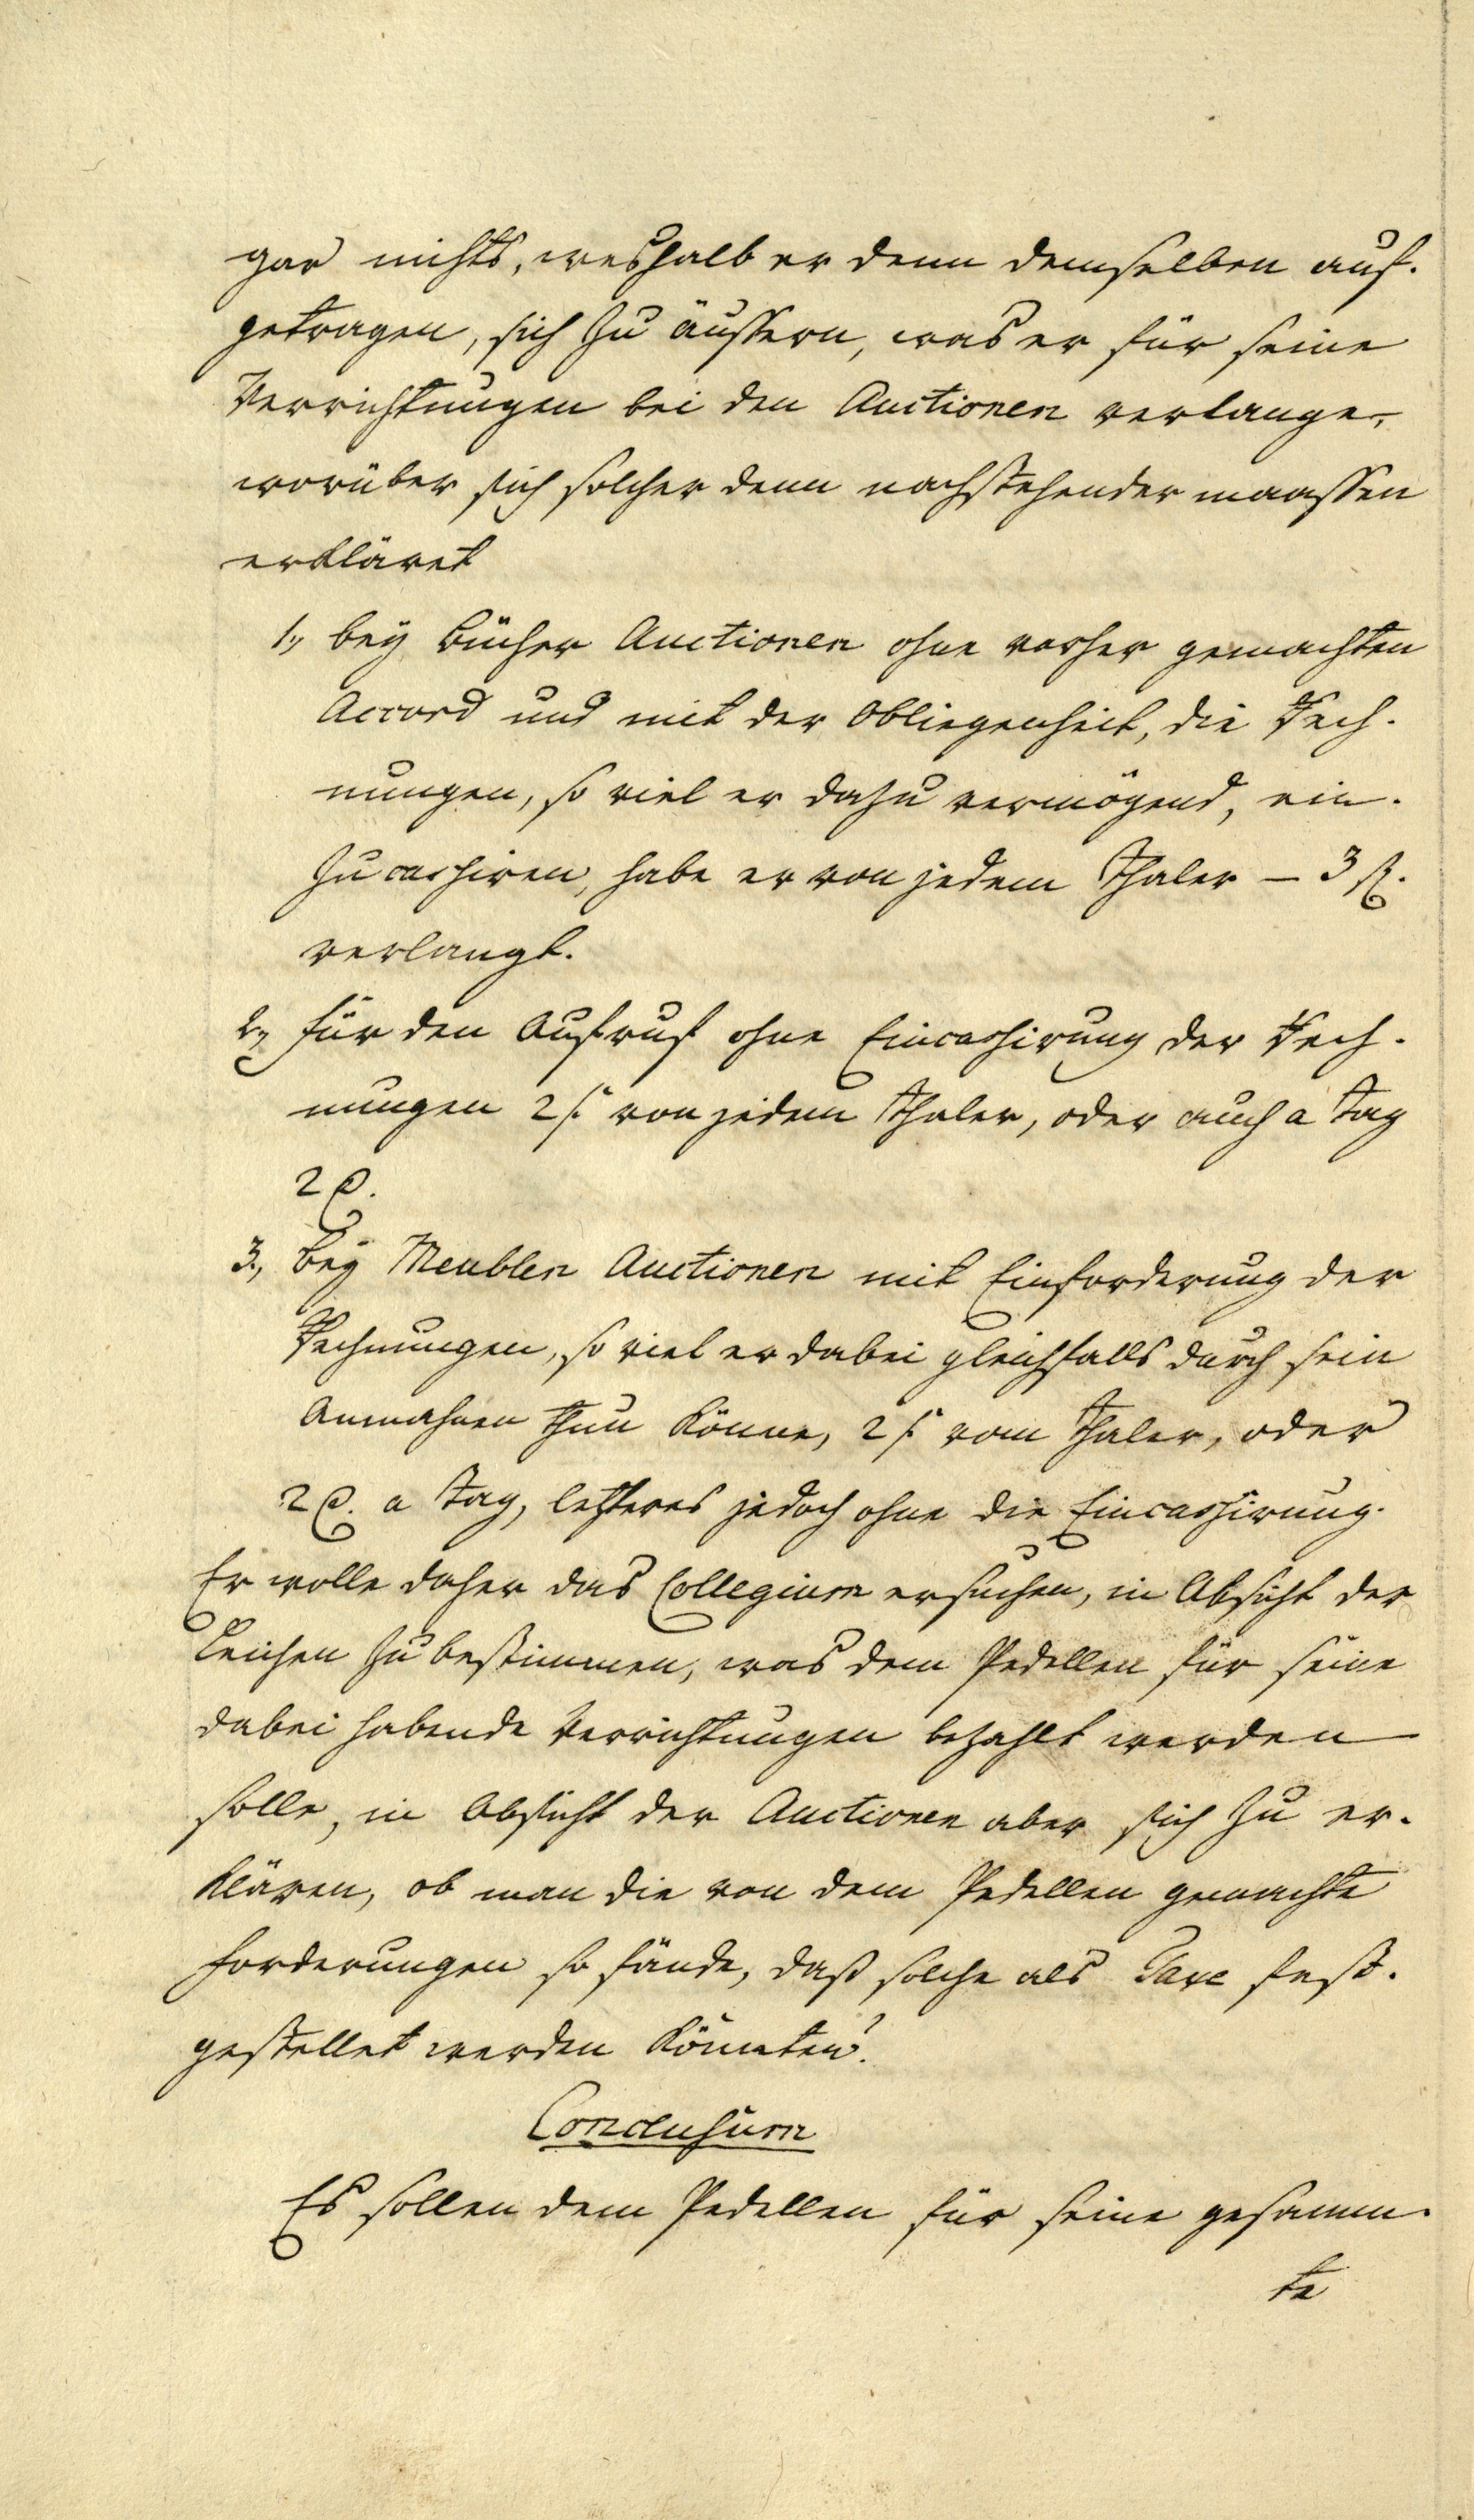gar nichts, weshalb er denn demselben auf¬
getragen, sich zu äussern, was er für seine
Verrichtungen bei den Auctionen verlange,
worüber sich solcher denn nachstehender maassen
erkläret
1., beÿ Bücher Auctionen ohne vorher gemachten
Accord und mit der Obliegenheit, die Rech¬
nungen, so viel er dazu vermögend, ein¬
zu cassiren, habe er von jedem Thaler - 3 l .
verlangt.
2. für den Aufruf ohne Eincassirung der Rech-
nungen 2 s. von jedem Thaler, oder auch a Tag
2 l.
3., Bey Meublen Auctionen mit Einforderung der
Rechnungen, so viel er dabei gleichfalls durch sein
Anmahnen thun könne, 2 s. vom Thaler, oder
2 l. a Tag, letzteres jedoch ohne die Eincassirung.
Er wolle daher das Collegium ersuchen, in Absicht der
Leichen zu bestimmen, was dem Pedellen für seine
dabei habende Verrichtungen bezahlt werden
solle, in Absicht der Auctionen aber sich zu er¬
klären, ob man die von dem Pedellen gemachte
Forderungen so fände, daß solche als Taxe fest¬
gestellet werden könnten?
Conclusum
Es sollen dem Pedellen für seine gesamm¬
te